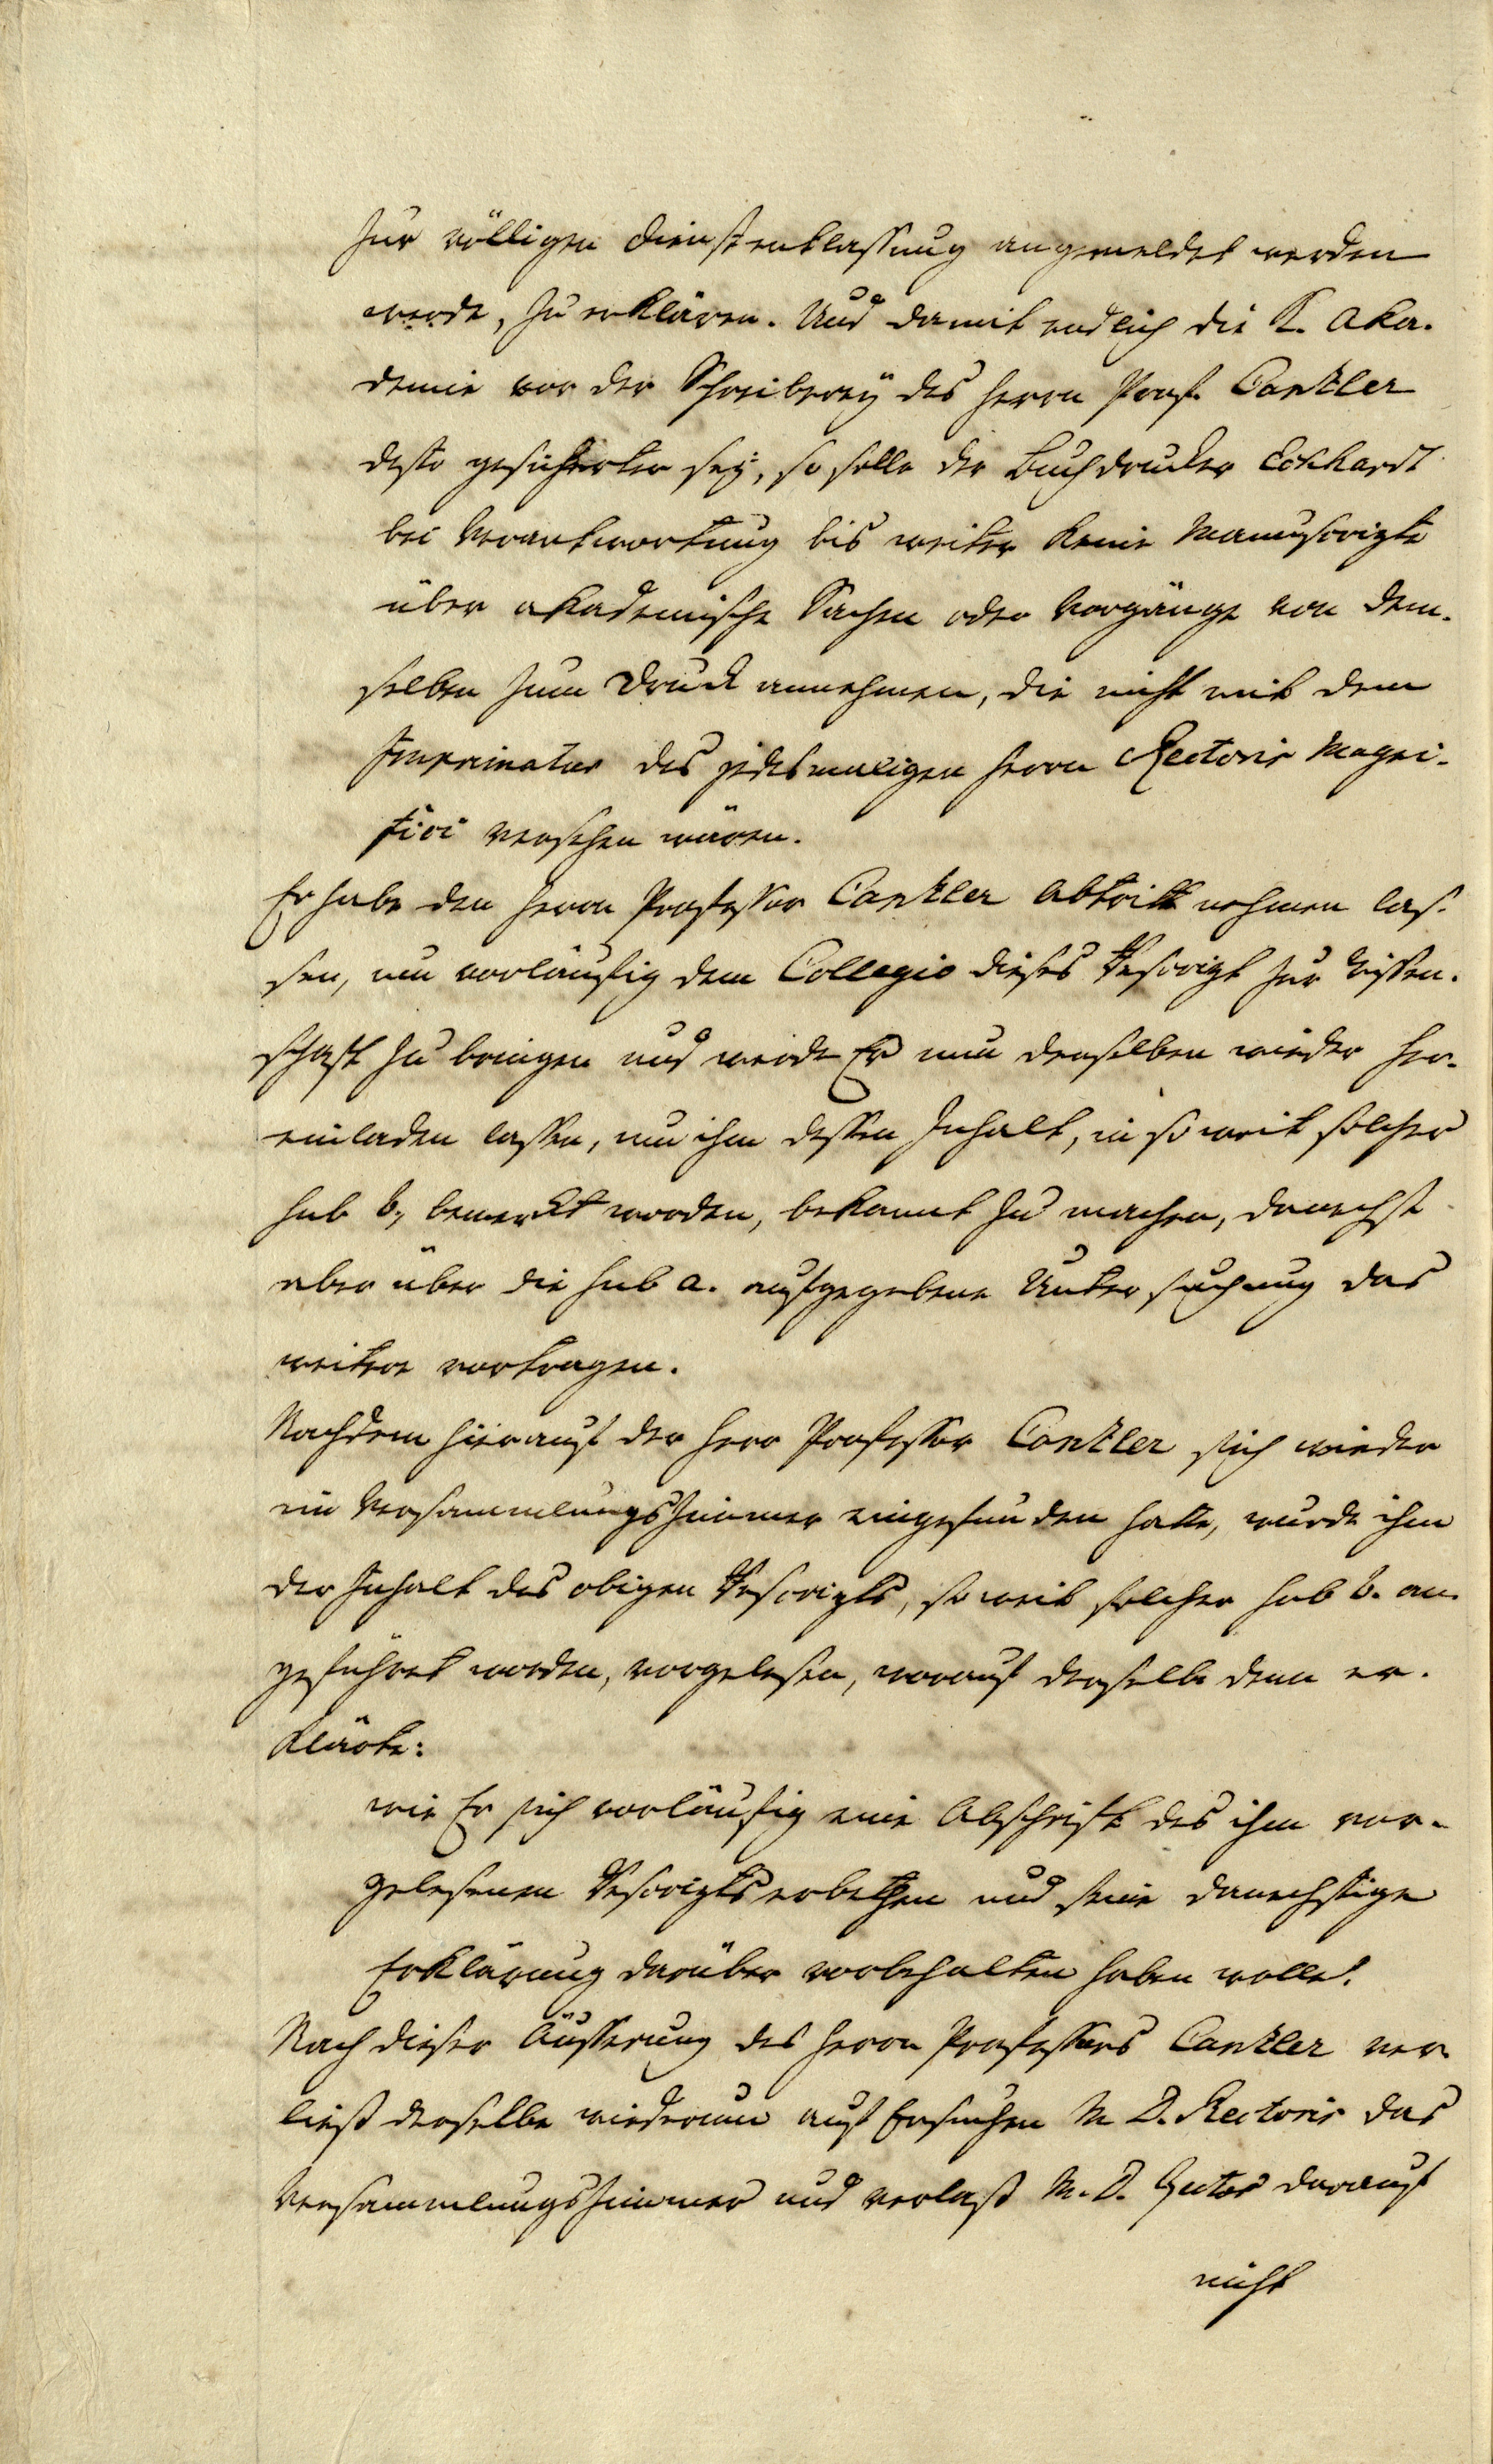zur völligen Dienstentlassung angemeldet werden
werde, zu erklären. Und damit endlich die K. Aka¬
demie vor der Schreibereÿ des Herrn Prof. Canzler
desto gesicherter seÿ, so solle der Buchdrucker Eckhardt
bei Verantwortung bis weiter keine Manuscripte
über akademische Sachen oder Vorgänge von dem¬
selben zum Druck annehmen, die nicht mit dem
Impninator des jedesmaligen Herrn Rectoris Magni¬
fici versehen wären.
Er habe den Herrn Professor Canzler Abtritt nehmen las¬
sen, um vorläufig dem Collegio dieses Rescript zur Wissen¬
schaft zu bringen und werde Er nun denselben wieder her¬
einladen lassen, um ihm dessen Inhalt, in so weit solcher
sub b, bemerckt worden, bekannt zu machen, danechst
aber über die sub a. aufgegebene Untersuchung das
weitere vortragen.
Nachdem hierauf der Herr Professor Canzler sich wieder
im Versammlungszimmer eingefunden hatte, wurde ihm
der Inhalt des obigen Rescripts, so weit solcher sub b. an¬
geführet worden, vorgelesen, worauf derselbe denn er¬
klärte:
wie Er sich vorläufig eine Abschrift des ihm vor¬
gelesenen Rescripts erbethen und seine danechstige
Erklärung darüber vorbehalten haben wolle.
Nach dieser Äusserung des Herrn Professors Canzler ver¬
ließ derselbe wiederum auf Ersuchen M. D. Rectoris das
Versammlungszimmer und verlaß M. D. Rector darauf
nicht